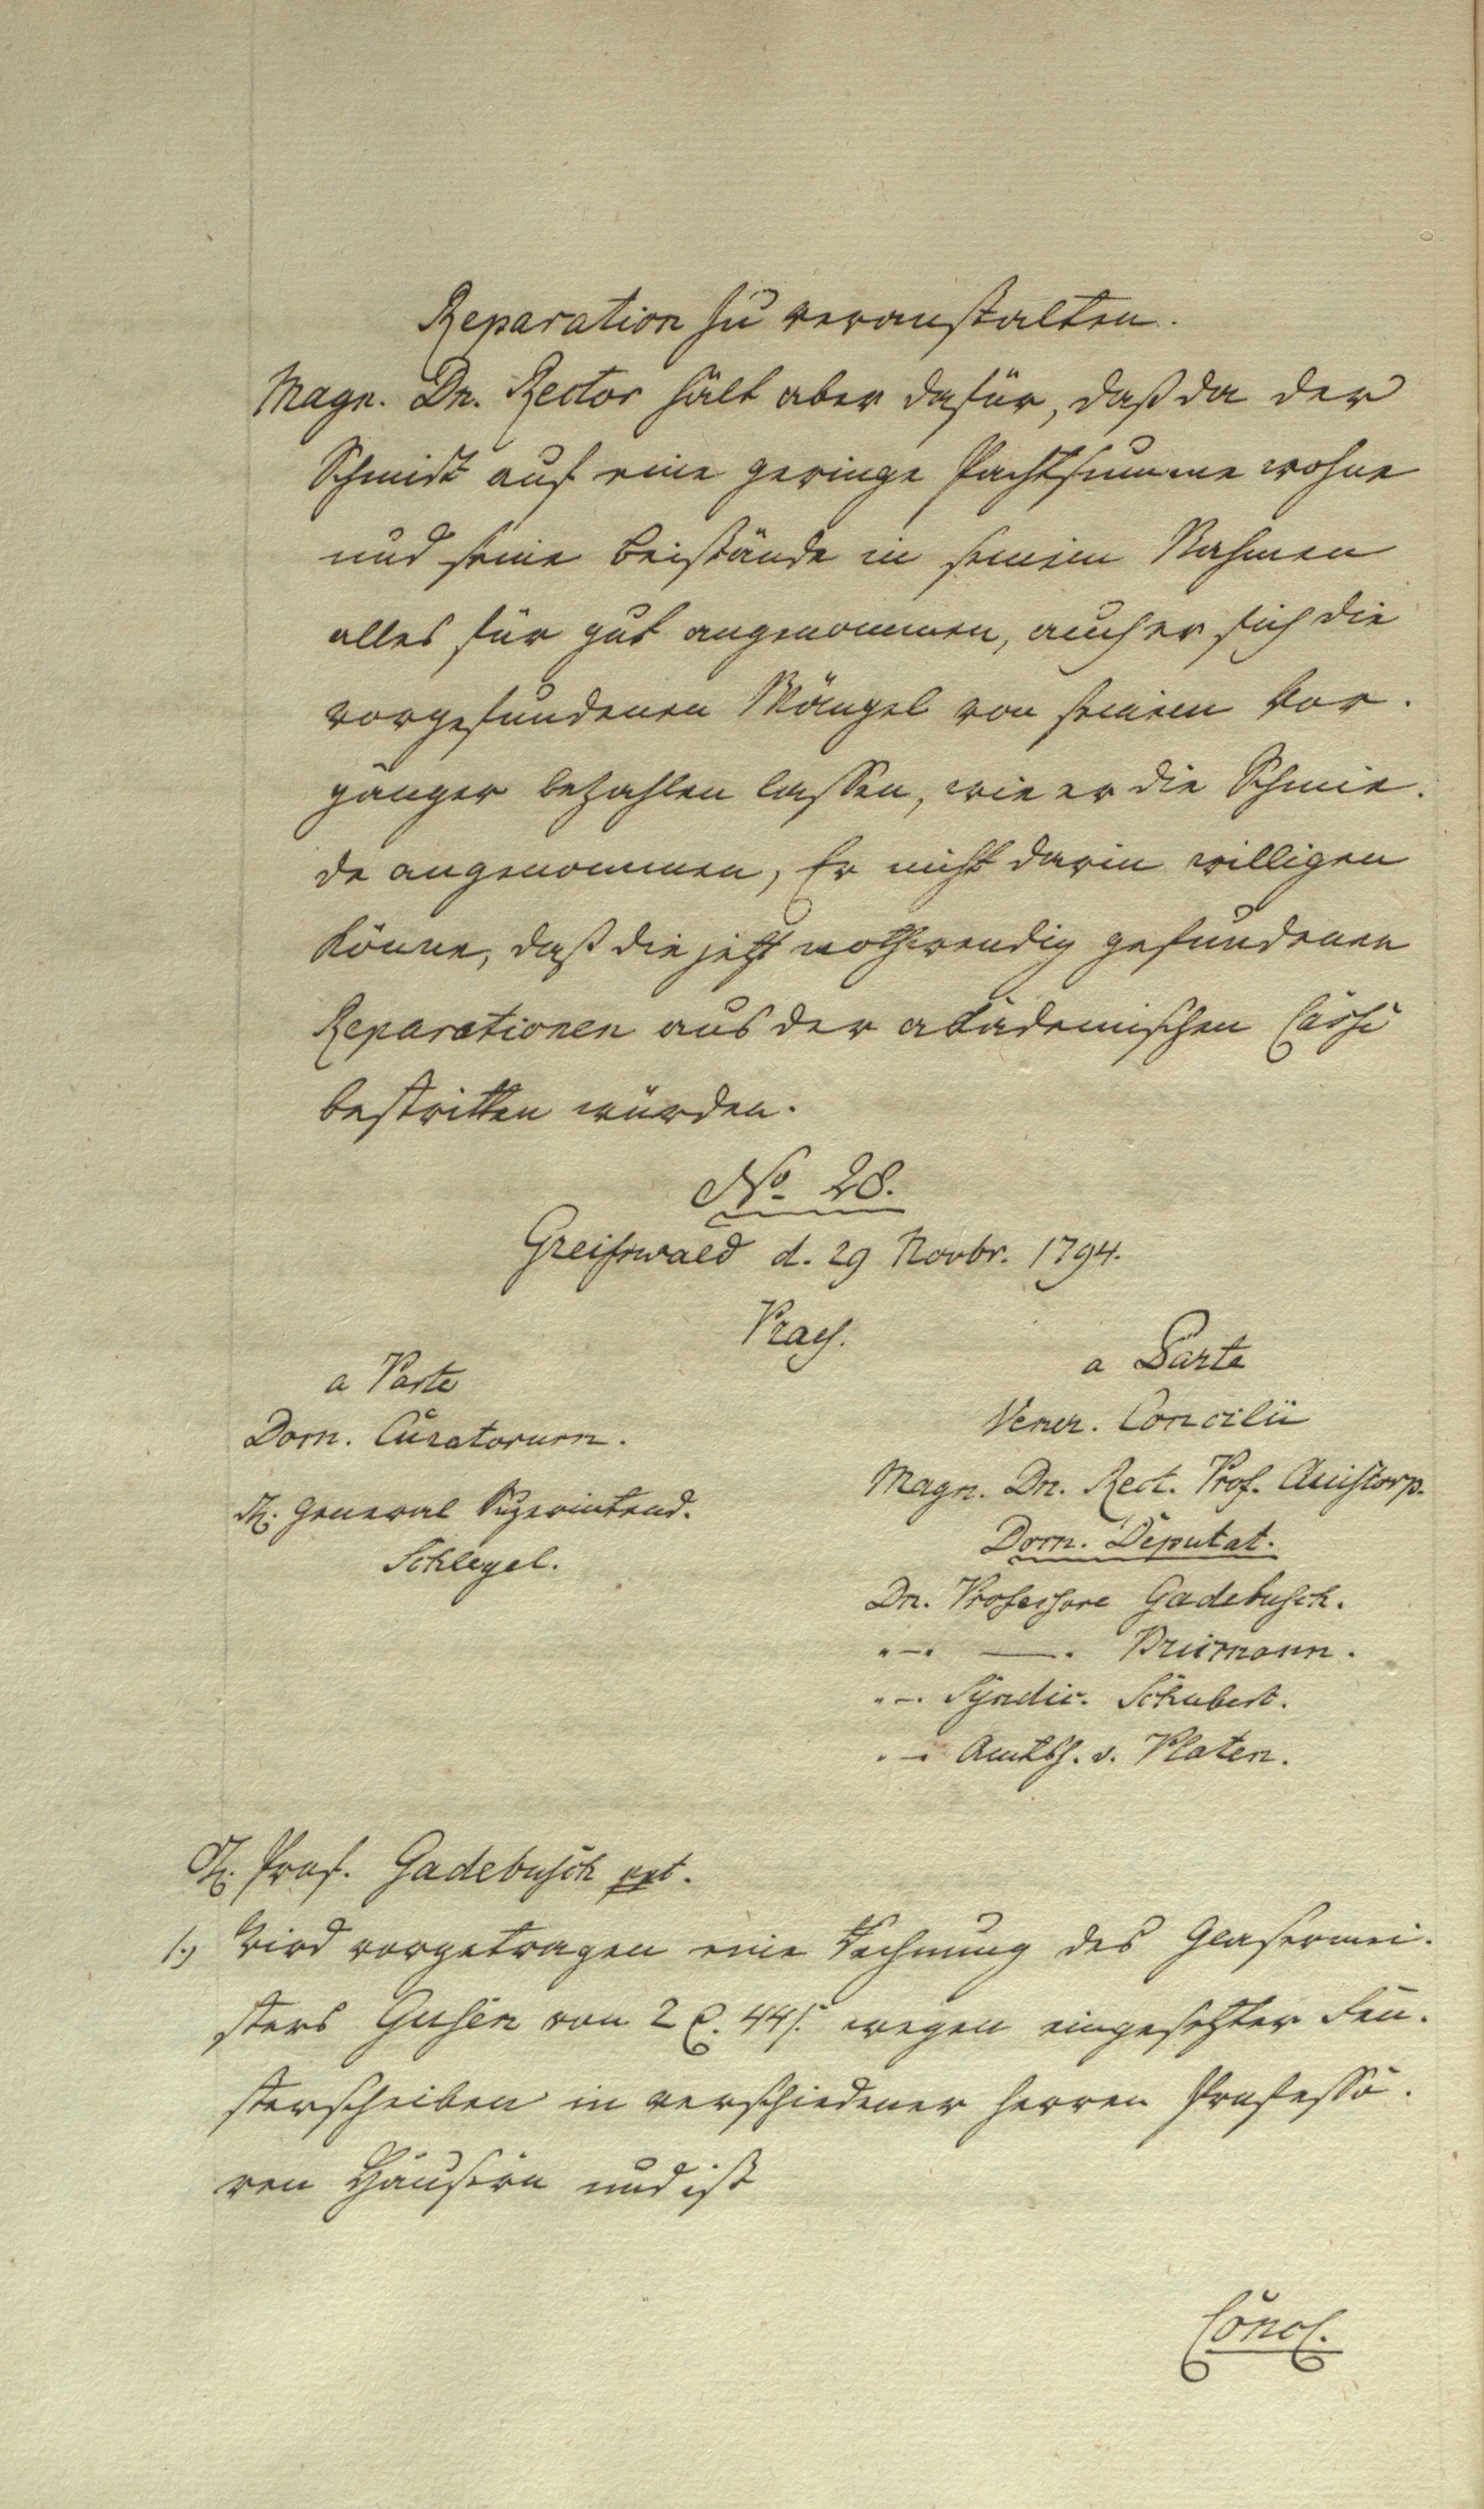Reparation zu veranstalten.
Magn. Dn. Rector hält aber dafür, daß da der
Schmidt auf eine geringe Pachtsumme wohne
und seine Beistände in seinem Nahmen
alles für gut angenommen, auch er sich die
vorgefundenen Mängel von seinem Vor¬
gänger bezahlen lassen, wie er die Schmie¬
de angenommen, Er nicht darin willigen
könne, daß die jetzt nothwendig gefundenen
Reparationen aus der akademischen Casse
bestritten würden.
No 28..
Greifswald d. 29 Novbr. 1794.
Praes.
a Parte a Parte
Dom. Curatorum. Vener. Concilii
dh. General Superintend. Magn. Dn. Rect. Prof. Quistorp.
Schlegel. Dom. Deputat.
Dn. Professore Gadebusch.
Brismann.
Sÿndic: Schubert.
Amtsh. v. Platen.
dh. Prof. Gadebusch ppt.
1., Wird vorgetragen eine Rechnung des Glasermei¬
sters Gusen von 2 l. 44 s. wegen eingesetzter Fen¬
sterscheiben in verschiedener Herren Professo¬
ren Häusern und ist
Concl.